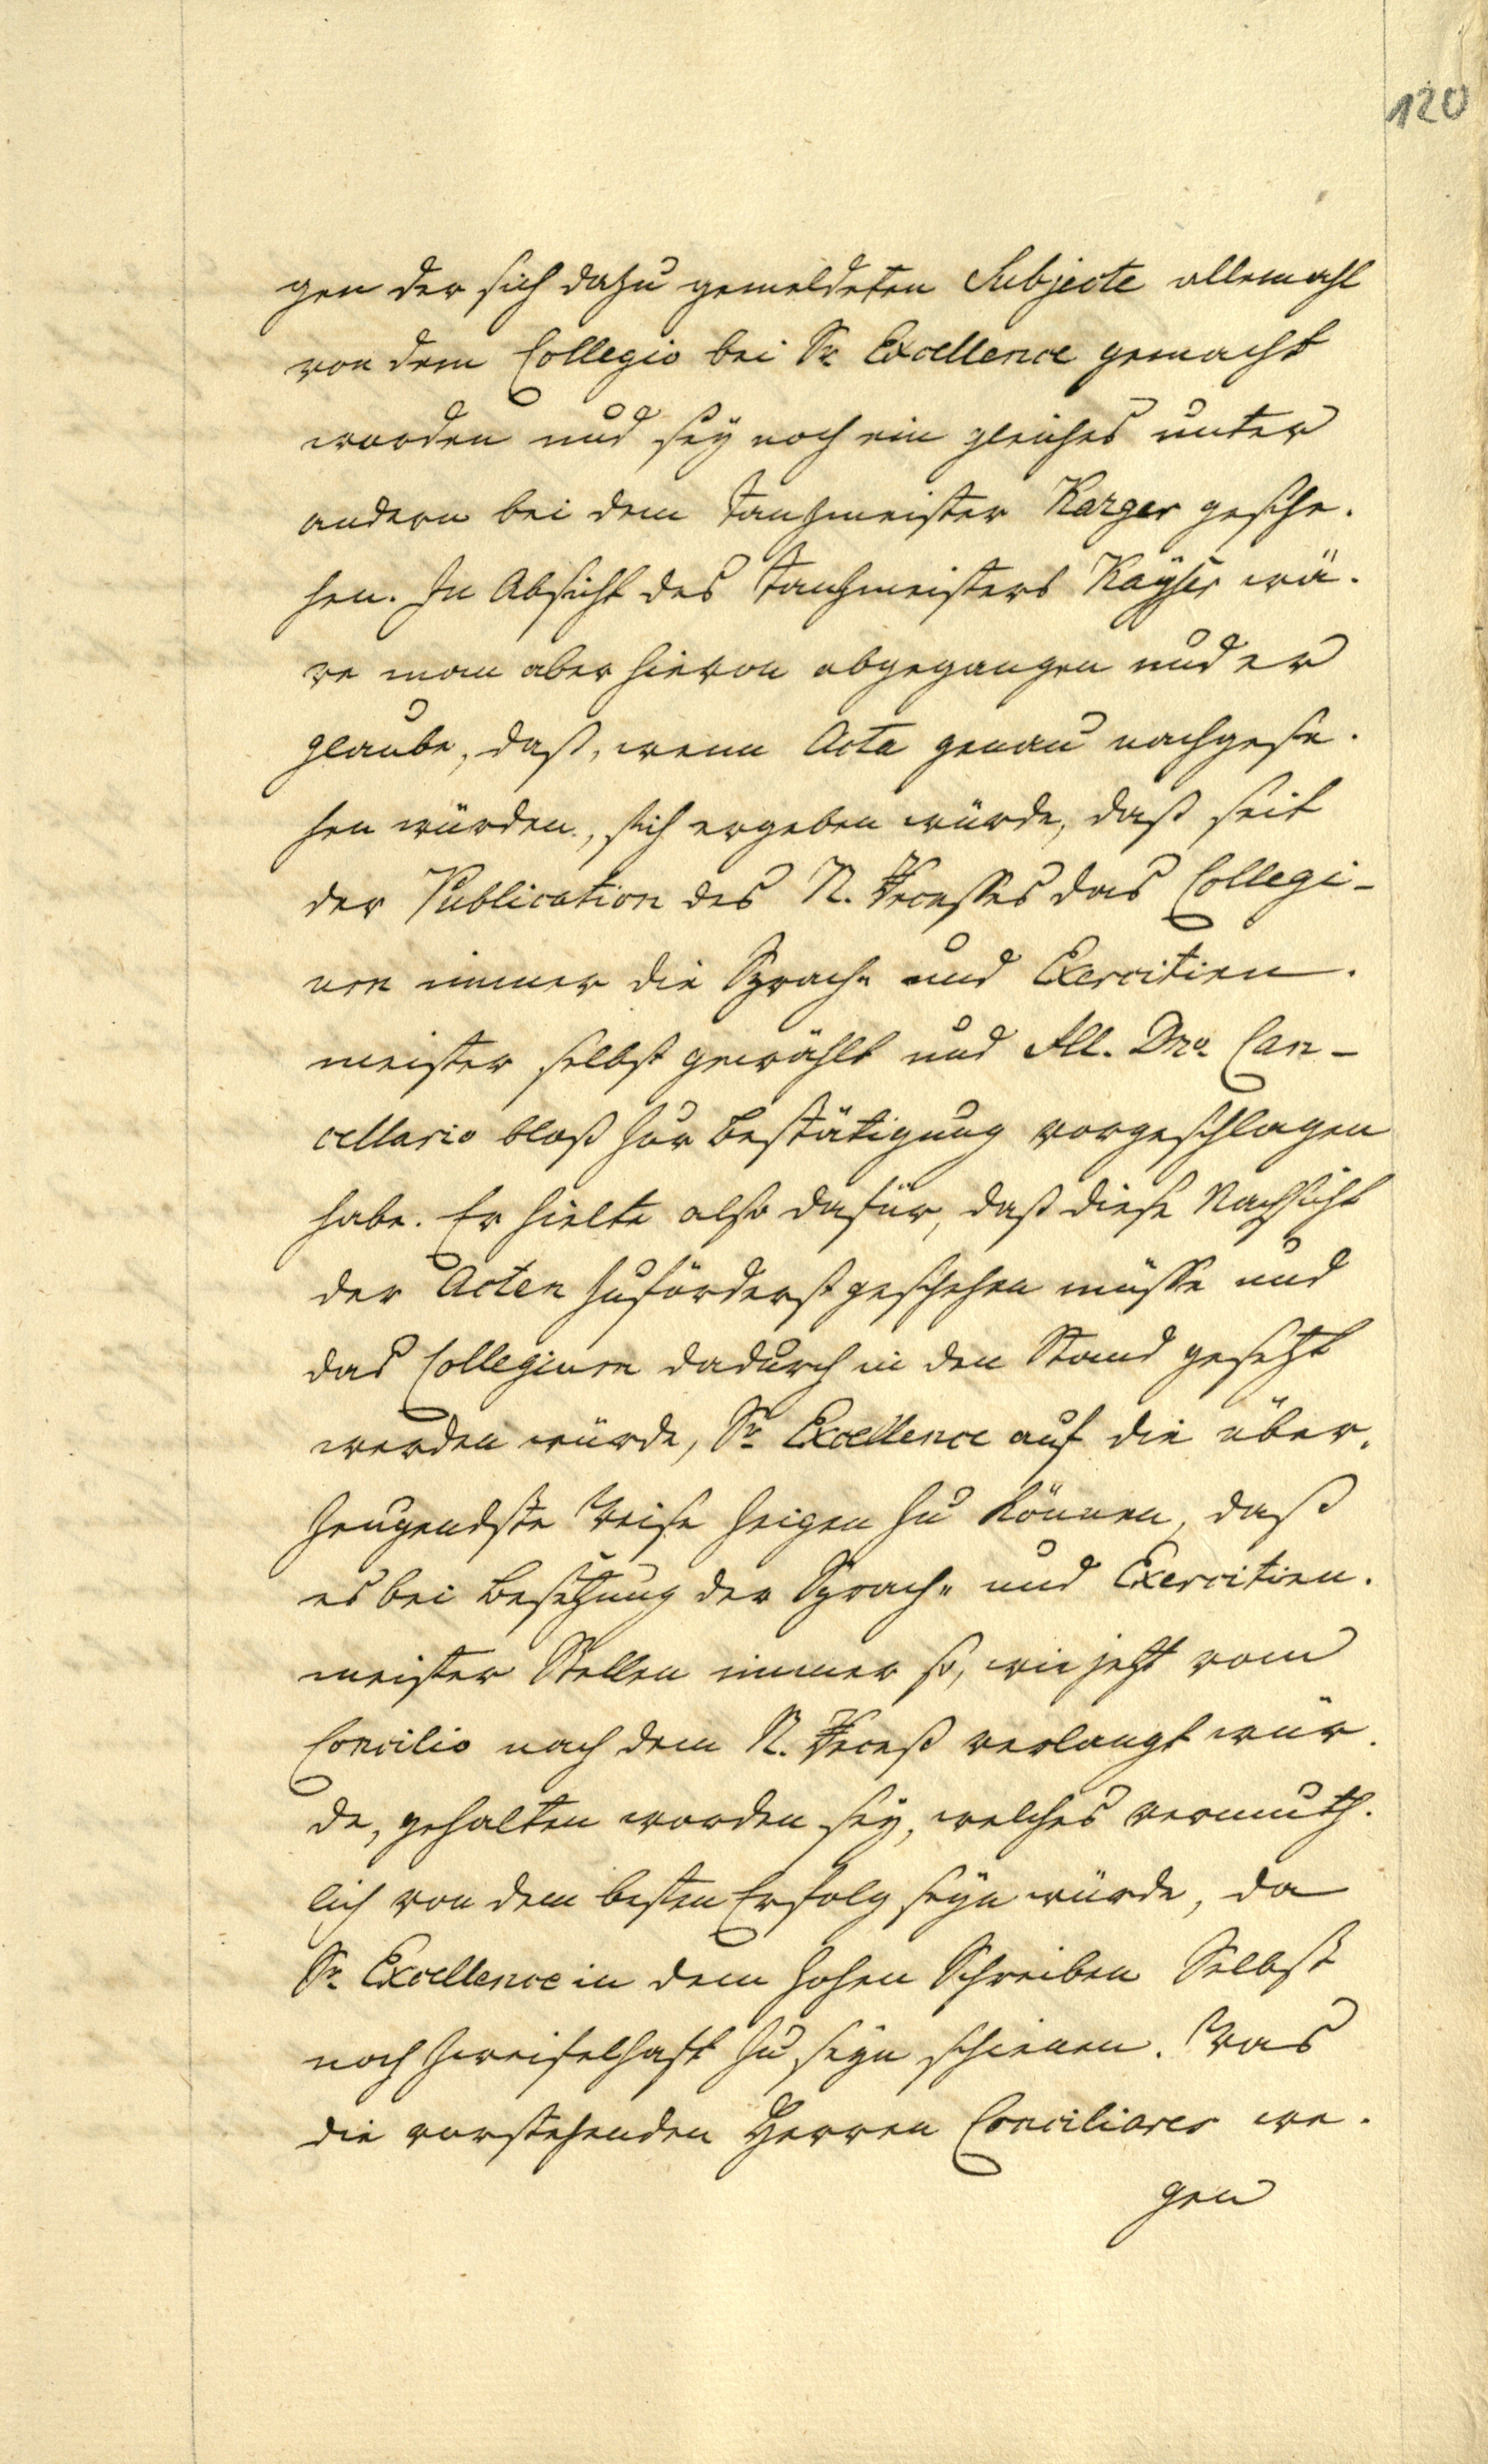gen der sich dazu gemeldeten Subjecte allemahl
von dem Collegio bei Sr Excellence gemacht
worden und seÿ noch ein gleiches unter
andern bei dem Tanzmeister Karger gesche¬
hen. In Absicht des Tanzmeisters Kaÿser wä¬
re man aber hievon abgegangen und er
glaube, daß, wenn Acta genau nachgese¬
hen würden, sich ergeben würde, daß seit
der Publication des N. Recesses das Collegi¬
um immer die Sprach- und Exercitien¬
meister selbst gewählt und Ill. Dn Can¬
cellario bloß zur Bestätigung vorgeschlagen
habe. Er hielte also dafür, daß diese Nachsicht
der Acten zuförderst geschehen müsse und
das Collegium dadurch in den Stand gesetzt
werden würde, Sr Excellence auf die über¬
zeugendste Weise zeigen zu können, daß
es bei Besetzung der Sprach- und Exercitien¬
meister Stellen immer so, wie jetzt vom
Concilio nach dem N. Receß verlangt wür¬
de, gehalten worden seÿ, welches vermuth¬
lich von dem besten Erfolg seÿn würde, da
Sr. Excellence in dem hohen Schreiben Selbst
noch zweifelhaft zu seÿn schienen. Was
die vorstehenden Herren Conciliares we¬
gen